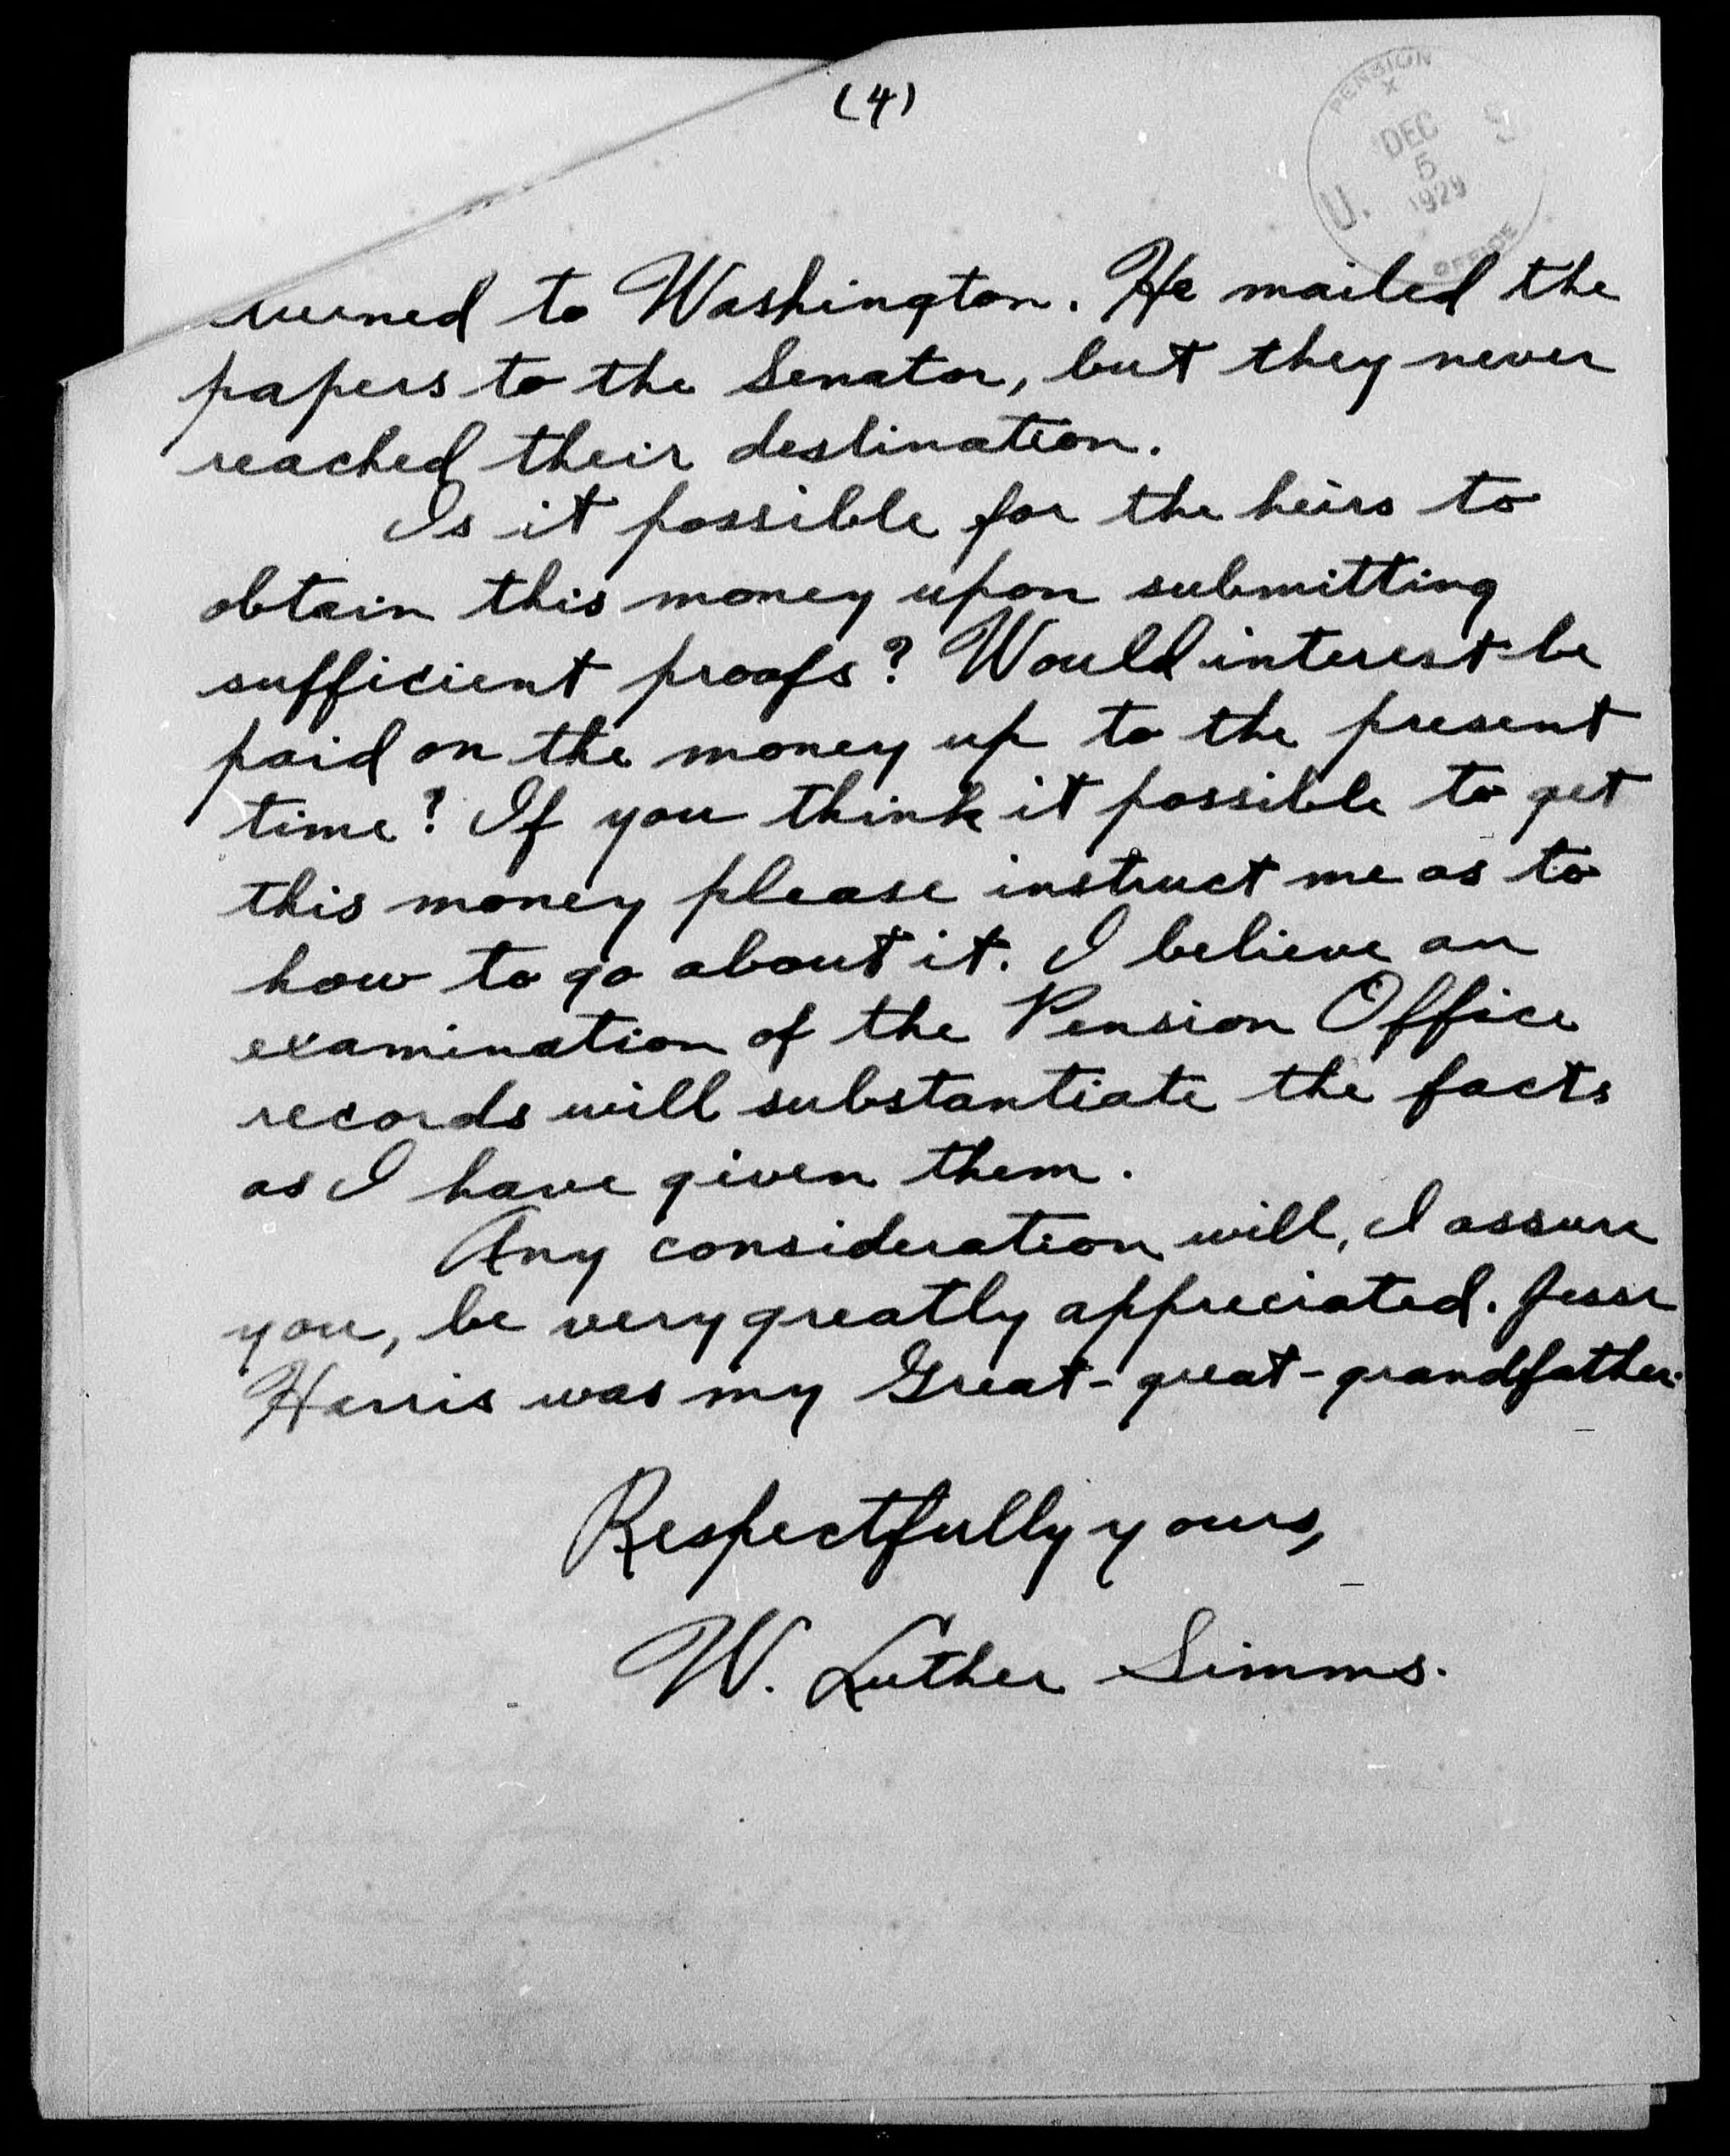[illegible] to Washington.  He mailed papers to the Senator, but they never reach their destination.
Is it possible for the heirs to obtain this money upon submitting sufficient proofs? Would interest be paid on the money up to the present time? If you think it possible to get this money please instruct me as to how to go about it.  I believe an examination of the Pension Officer records will substantiate the facts as I have given them.
Any consideration will, I assume, be very greatly appreciated. Jesse Harris was my Great-great- grandfather.
Respectfully yours,
W. Luther Simms.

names: Jesse Harris, W Luther Simms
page: 30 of 32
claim: rejected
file: R. 4655, Jesse Harris, N.C.